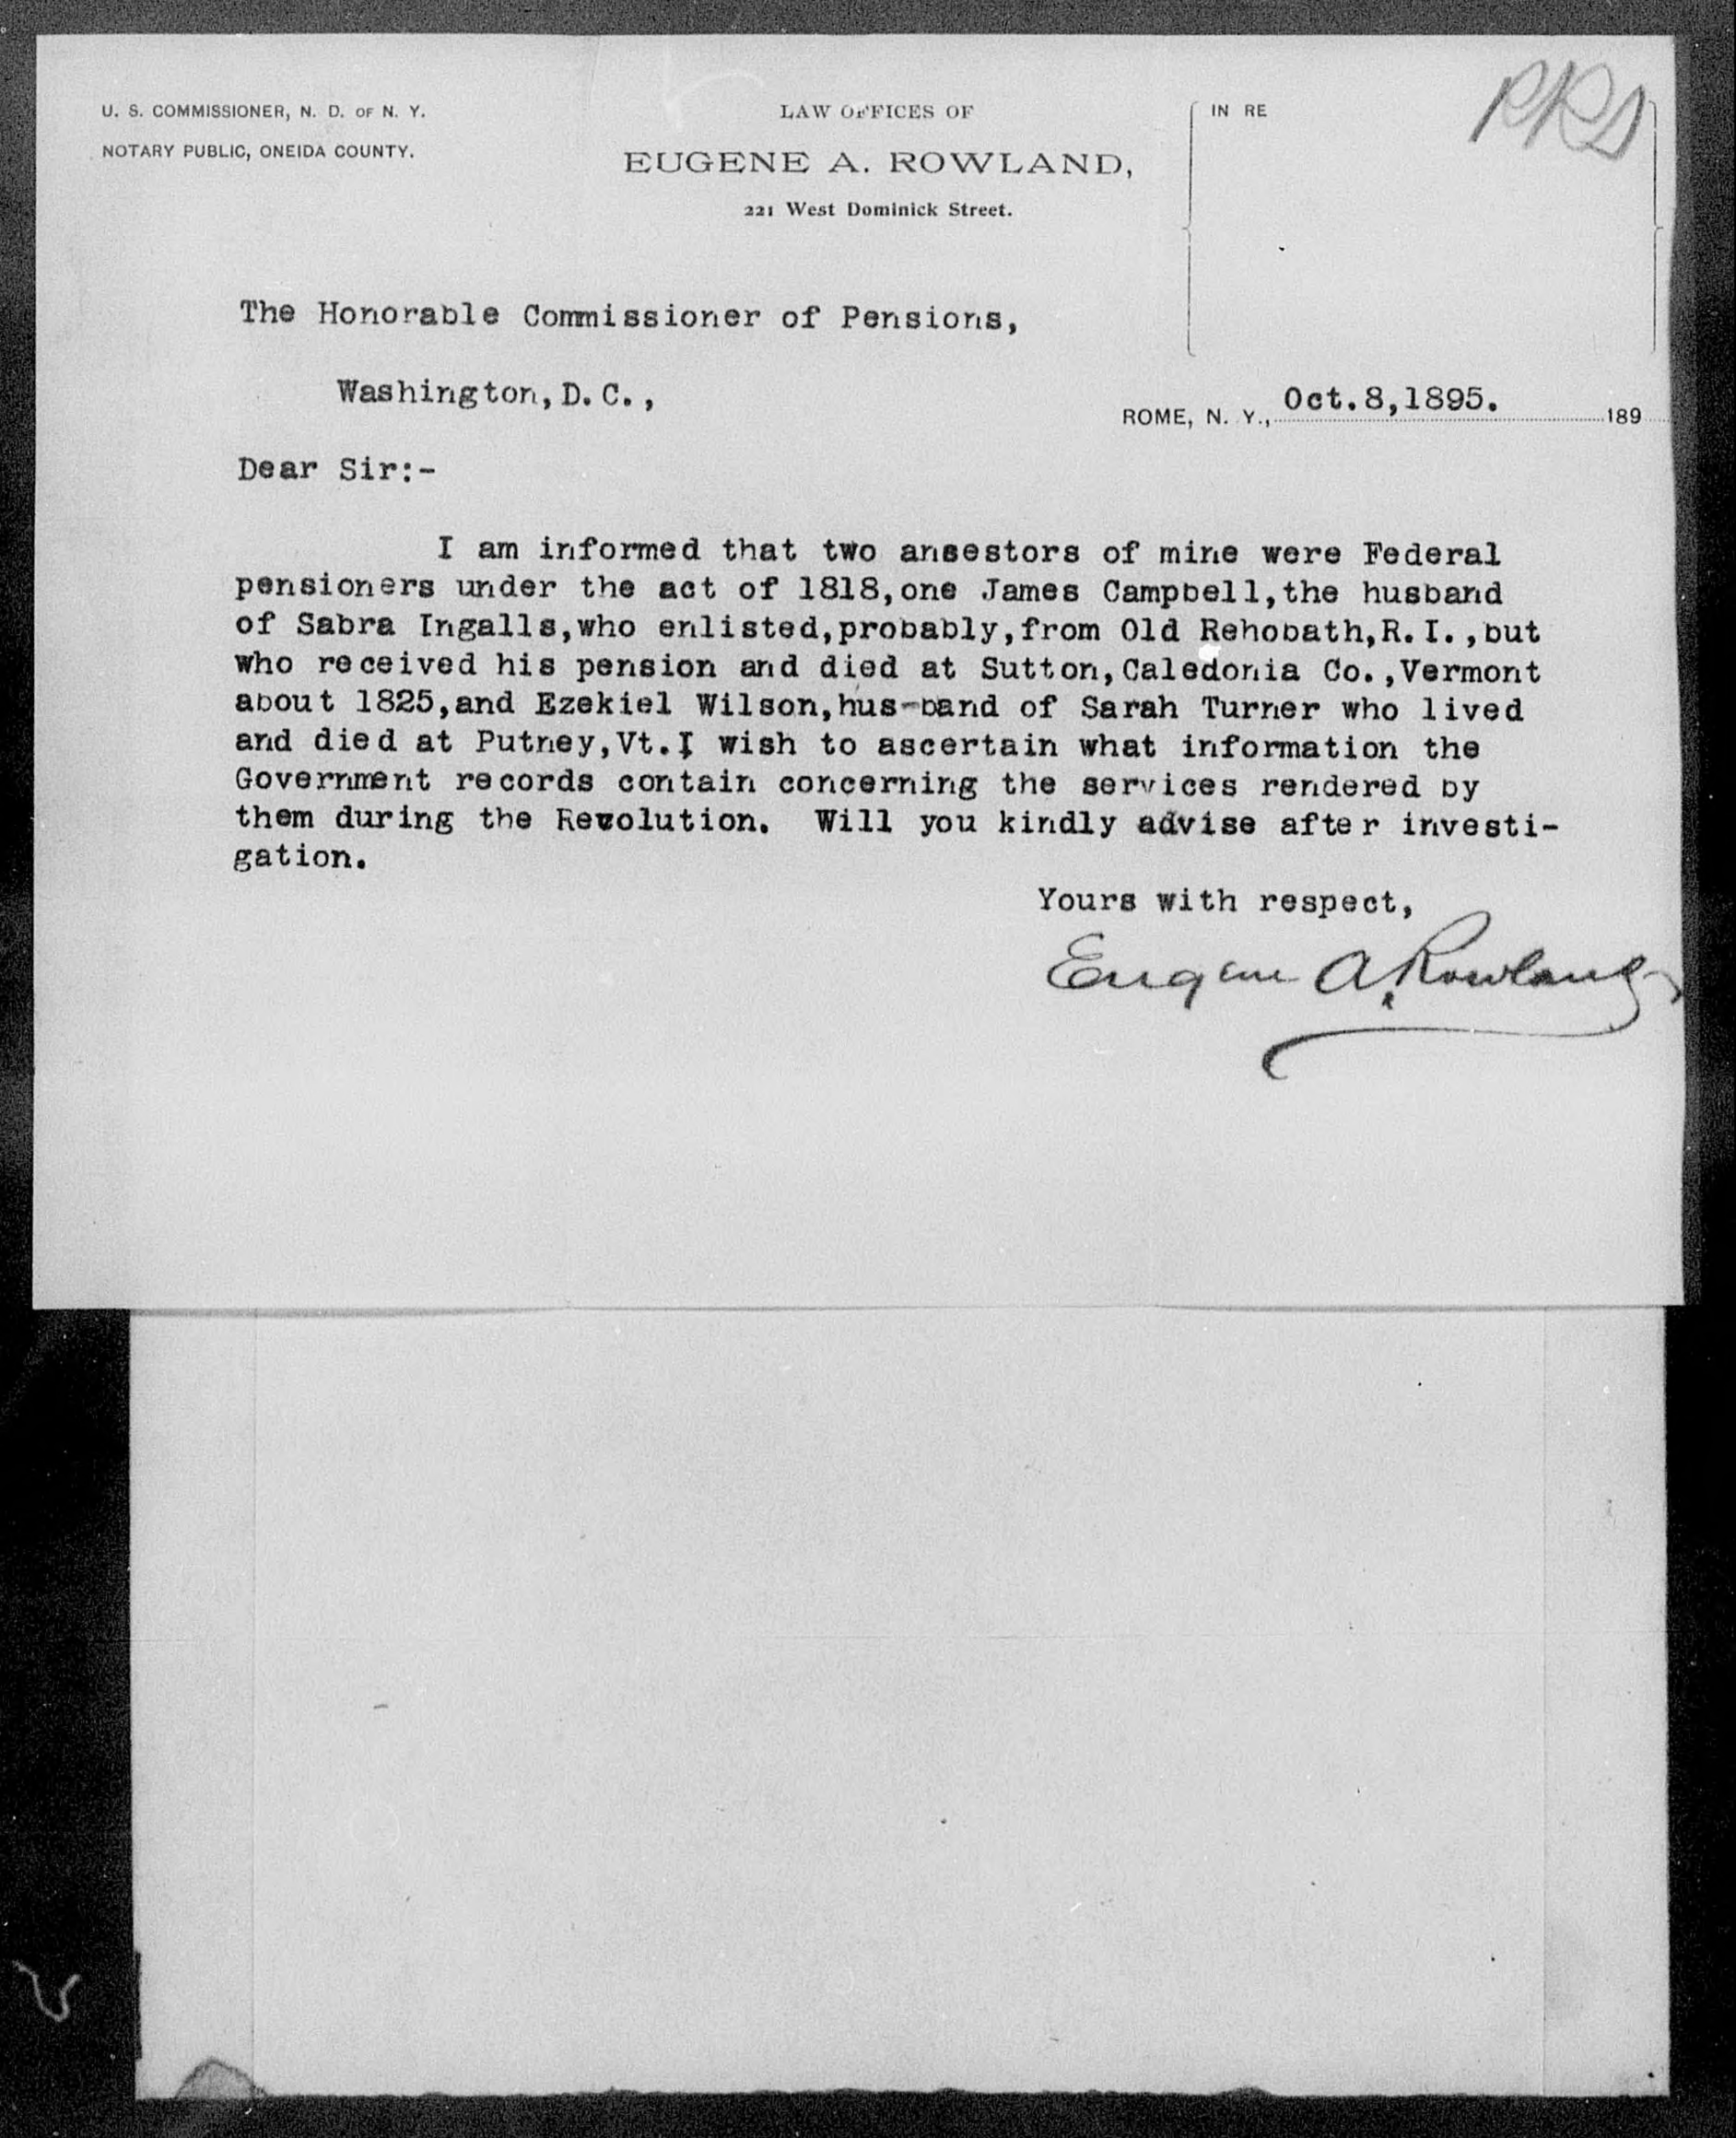U. S. COMMISSIONER, N.D. OF N.Y.
NOTARY PUBLIC ONEIDA COUNTY.

LAW OFFICES OF
EUGENE A. ROWLAND.
121 West Dominick Street.

{IN RE
PKs}

The Honorable Commissioner of Pensions,
Washington, D.C., ROME, N. Y., Oct. 8, 1895. 189

Dear Sir: -

I am informed that two ancestors of mine were Federal pensioners under the act of 1818, one James Campbell, the husband of Sabra Ingalls, who enlisted, probably, from Old Rehobath, R. I., but who received his pension and died at Sutton, Caledonia Co., Vermont about 1825, and Ezekiel Wilson, husband of Sarah Turner who lived and died at Putney, Vt. I wish to ascertain what information the Government records contain concerning the services rendered by them during the Revolution. Will you kindly advise after investigation.
.
Yours with respect,
Eugene A. Rowland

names: Sarah Turner, Sabra Ingalls, Ezekiel Wilson, Eugene A Rowland, James Campbell, Eugene A Rowland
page: 62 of 67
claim: widow's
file: W. 23772, James Campbell, Continental Mass.